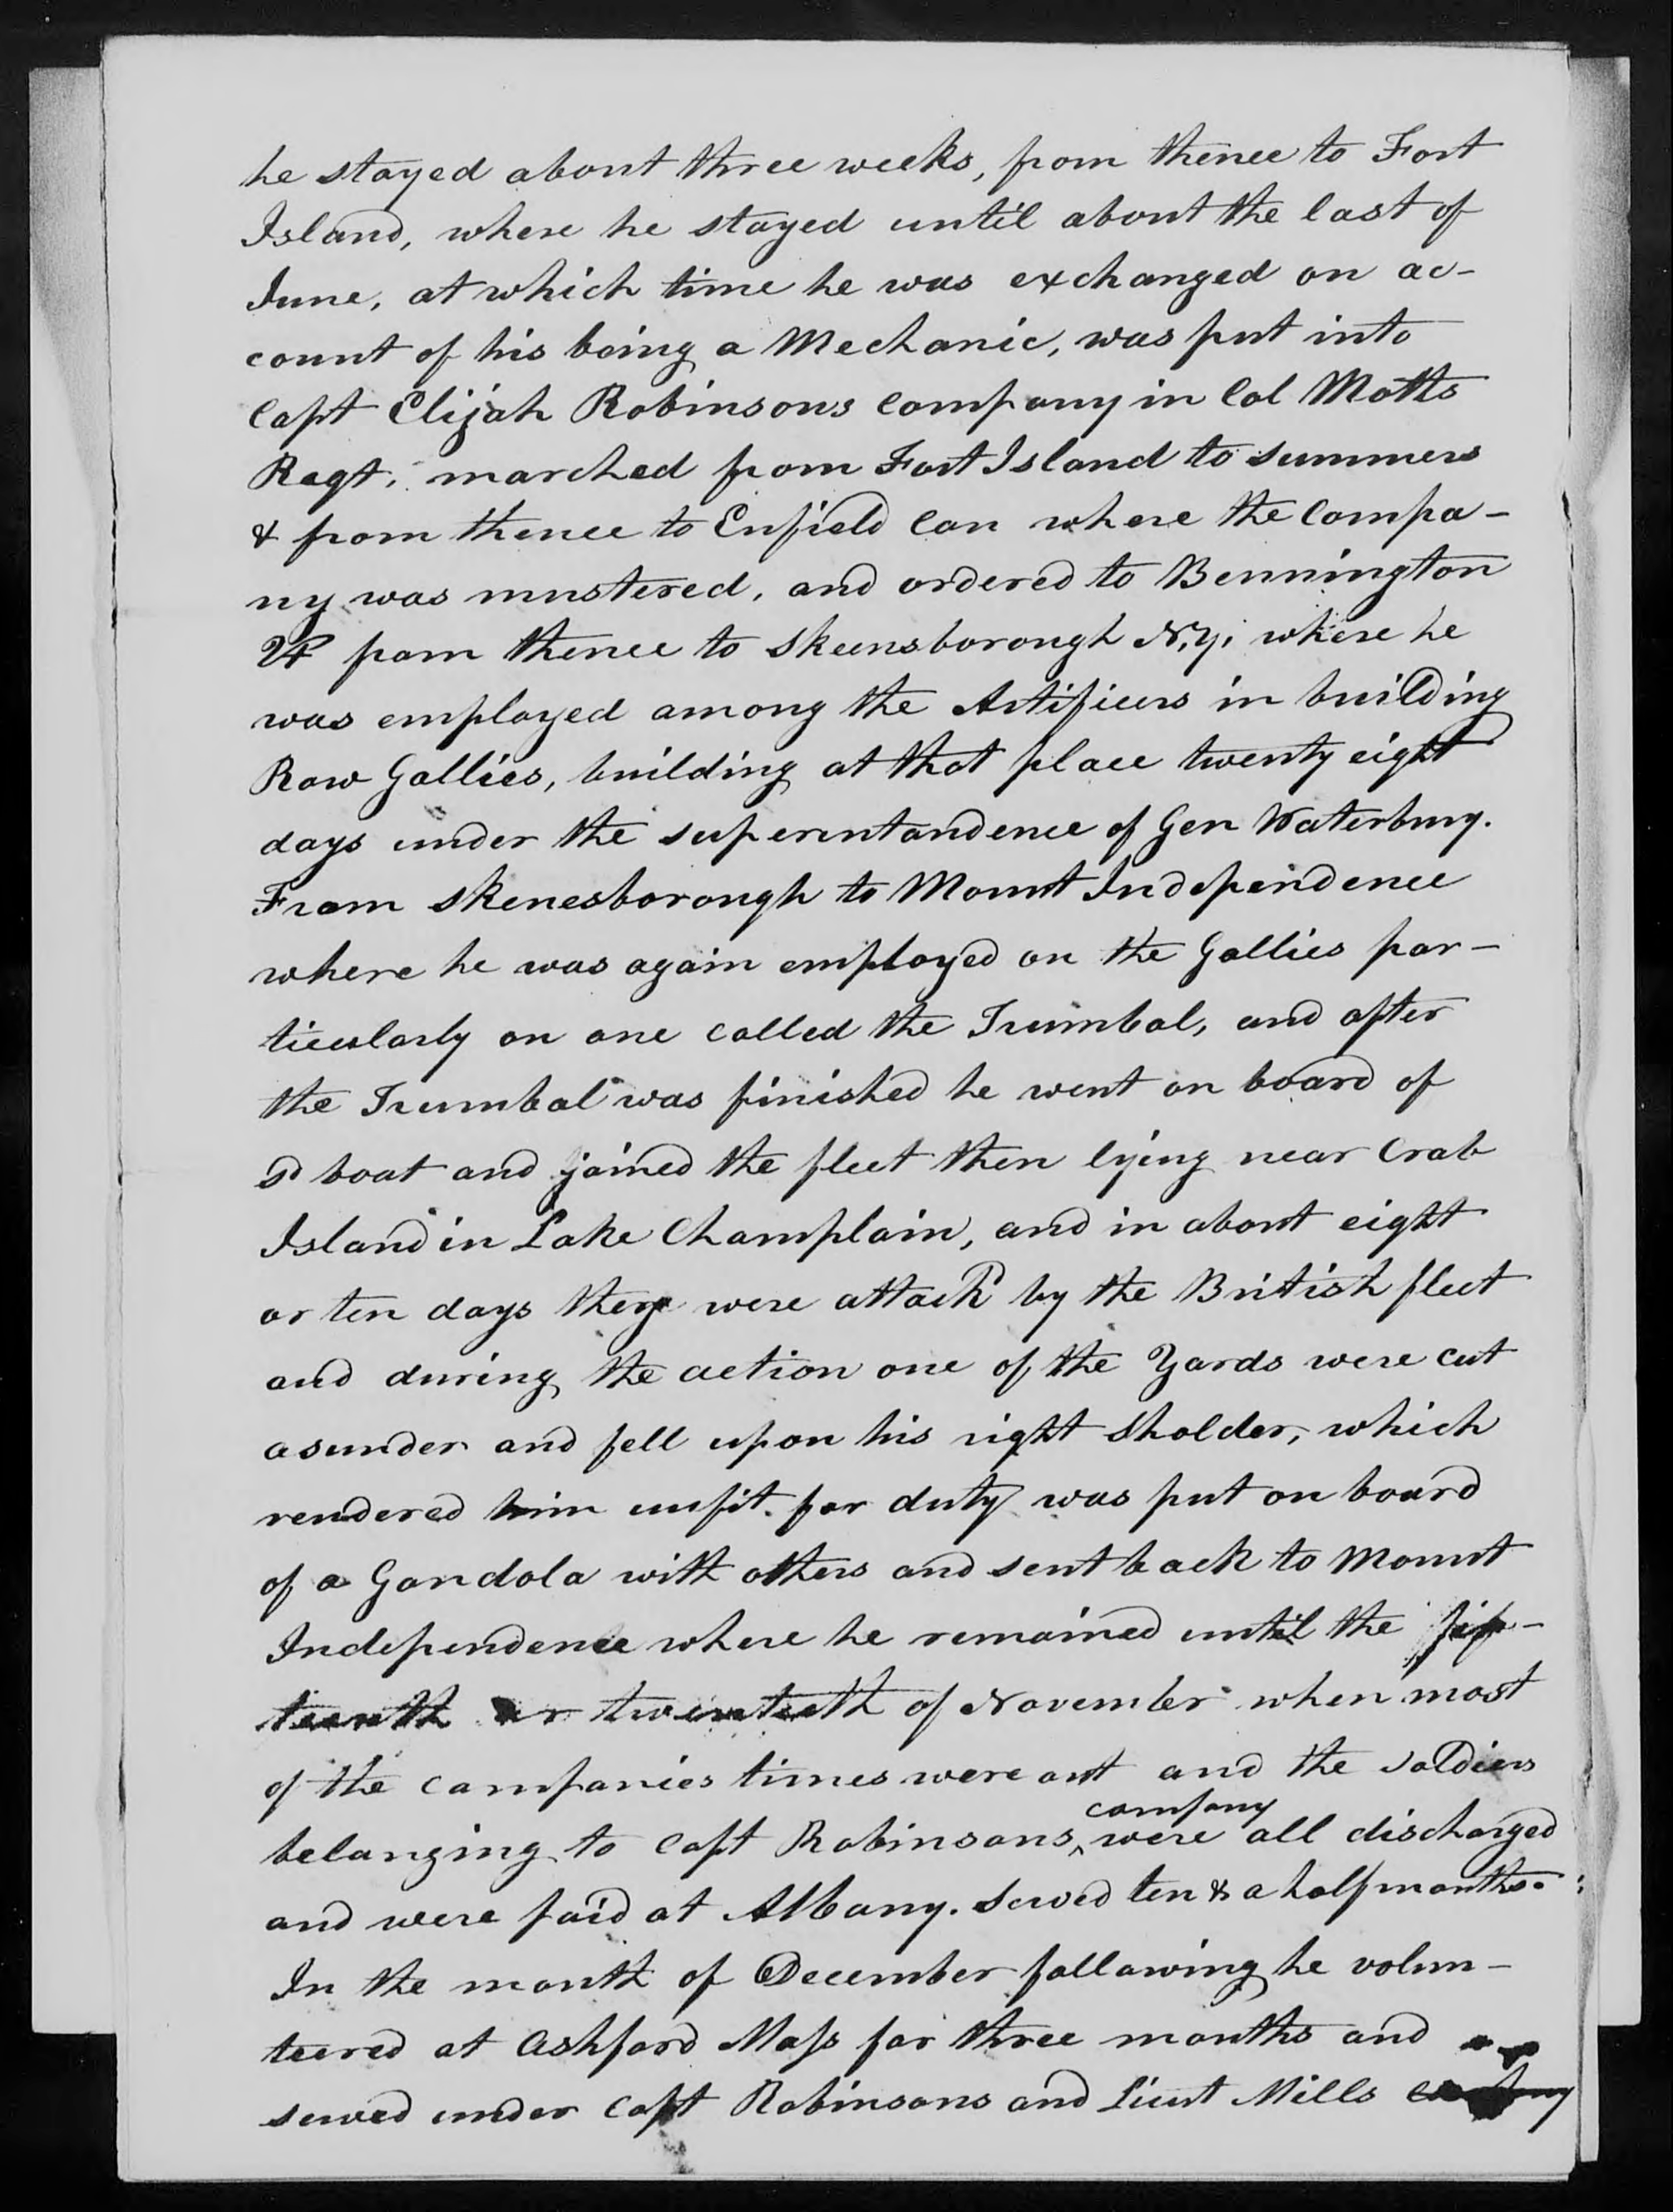& from thence to Enfield and where the company was mustered, and ordered to Bennington VA. from thence to Skeensborough N.Y. where he was employed among the artificers in building Row Gallies, building at the place twenty eight days under the superintendence of Gen Waterbury. From Skenesborough to Mount Independence where he was again employed on the Gallies particularly on one called the Trunbal, and after the Trunbal was finished he went on board of a boat and joined the fleet then lying near Crab Island in Lake Champlain, and in about eight or ten days they were attack by the British fleet and during the action one of the yards were cut asunder and fell upon his right sholder (sic), which rendered him unfit for duty was put on board of a gondola with others and sent back to Mount Independence where he remained until the fifteenth or twentieth of November when most of the companies times were out and the soldiers belonging to Capt Robinson's company were all discharged and were paid at Albany. Served ten & a half months. In the month of December following he volunteered at Ashford Mass for three months and served under Capt Robinsons and Lieut Mills company [smudged word]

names: Robinsons, Mills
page: 22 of 100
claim: survivor's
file: S 19186, James Austin, Conn. New York R.I.